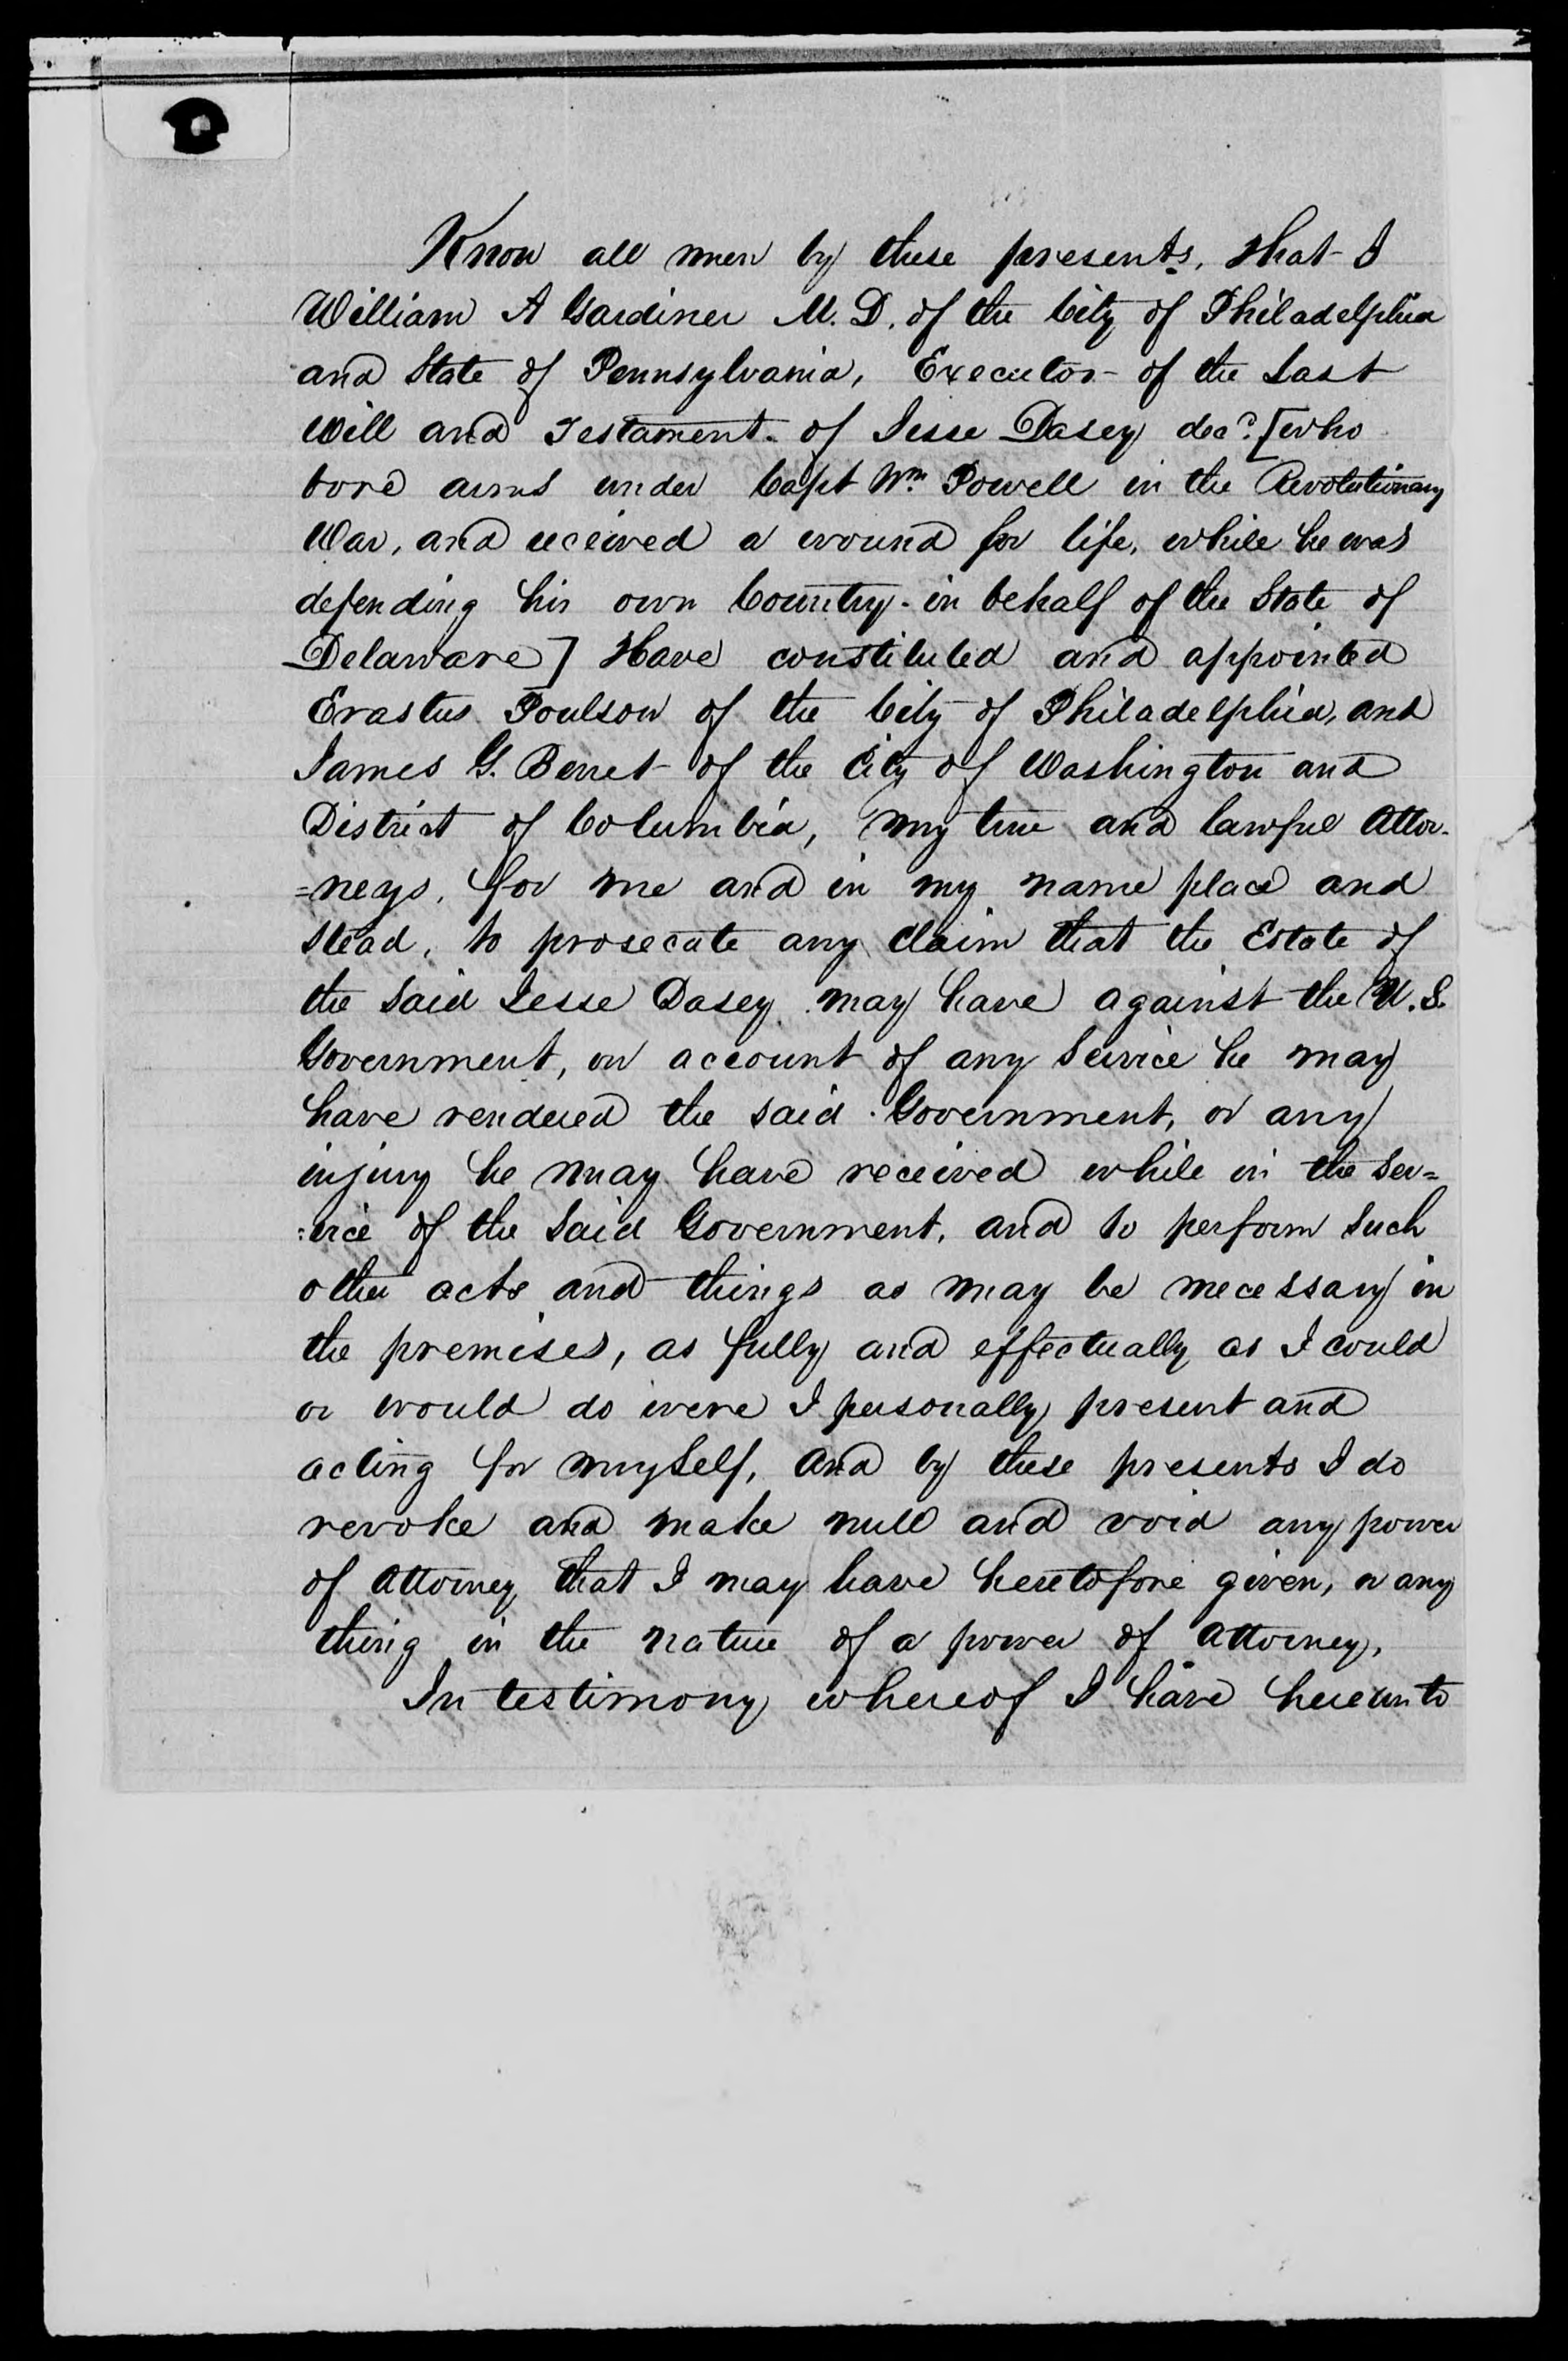Know all men by these [unintelligible] that I William A. Gardiner M.D. of the city of Philadelphia and the state of Pennsylvania, executor of the last will and testament of Jesse Dasey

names: Jesse Dasey, William A Gardiner, Jesse Dasey, James G Berret, Erastus Poulson, Wm Powell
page: 6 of 32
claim: rejected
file: R. 2795, Jesse Dazey, Del.